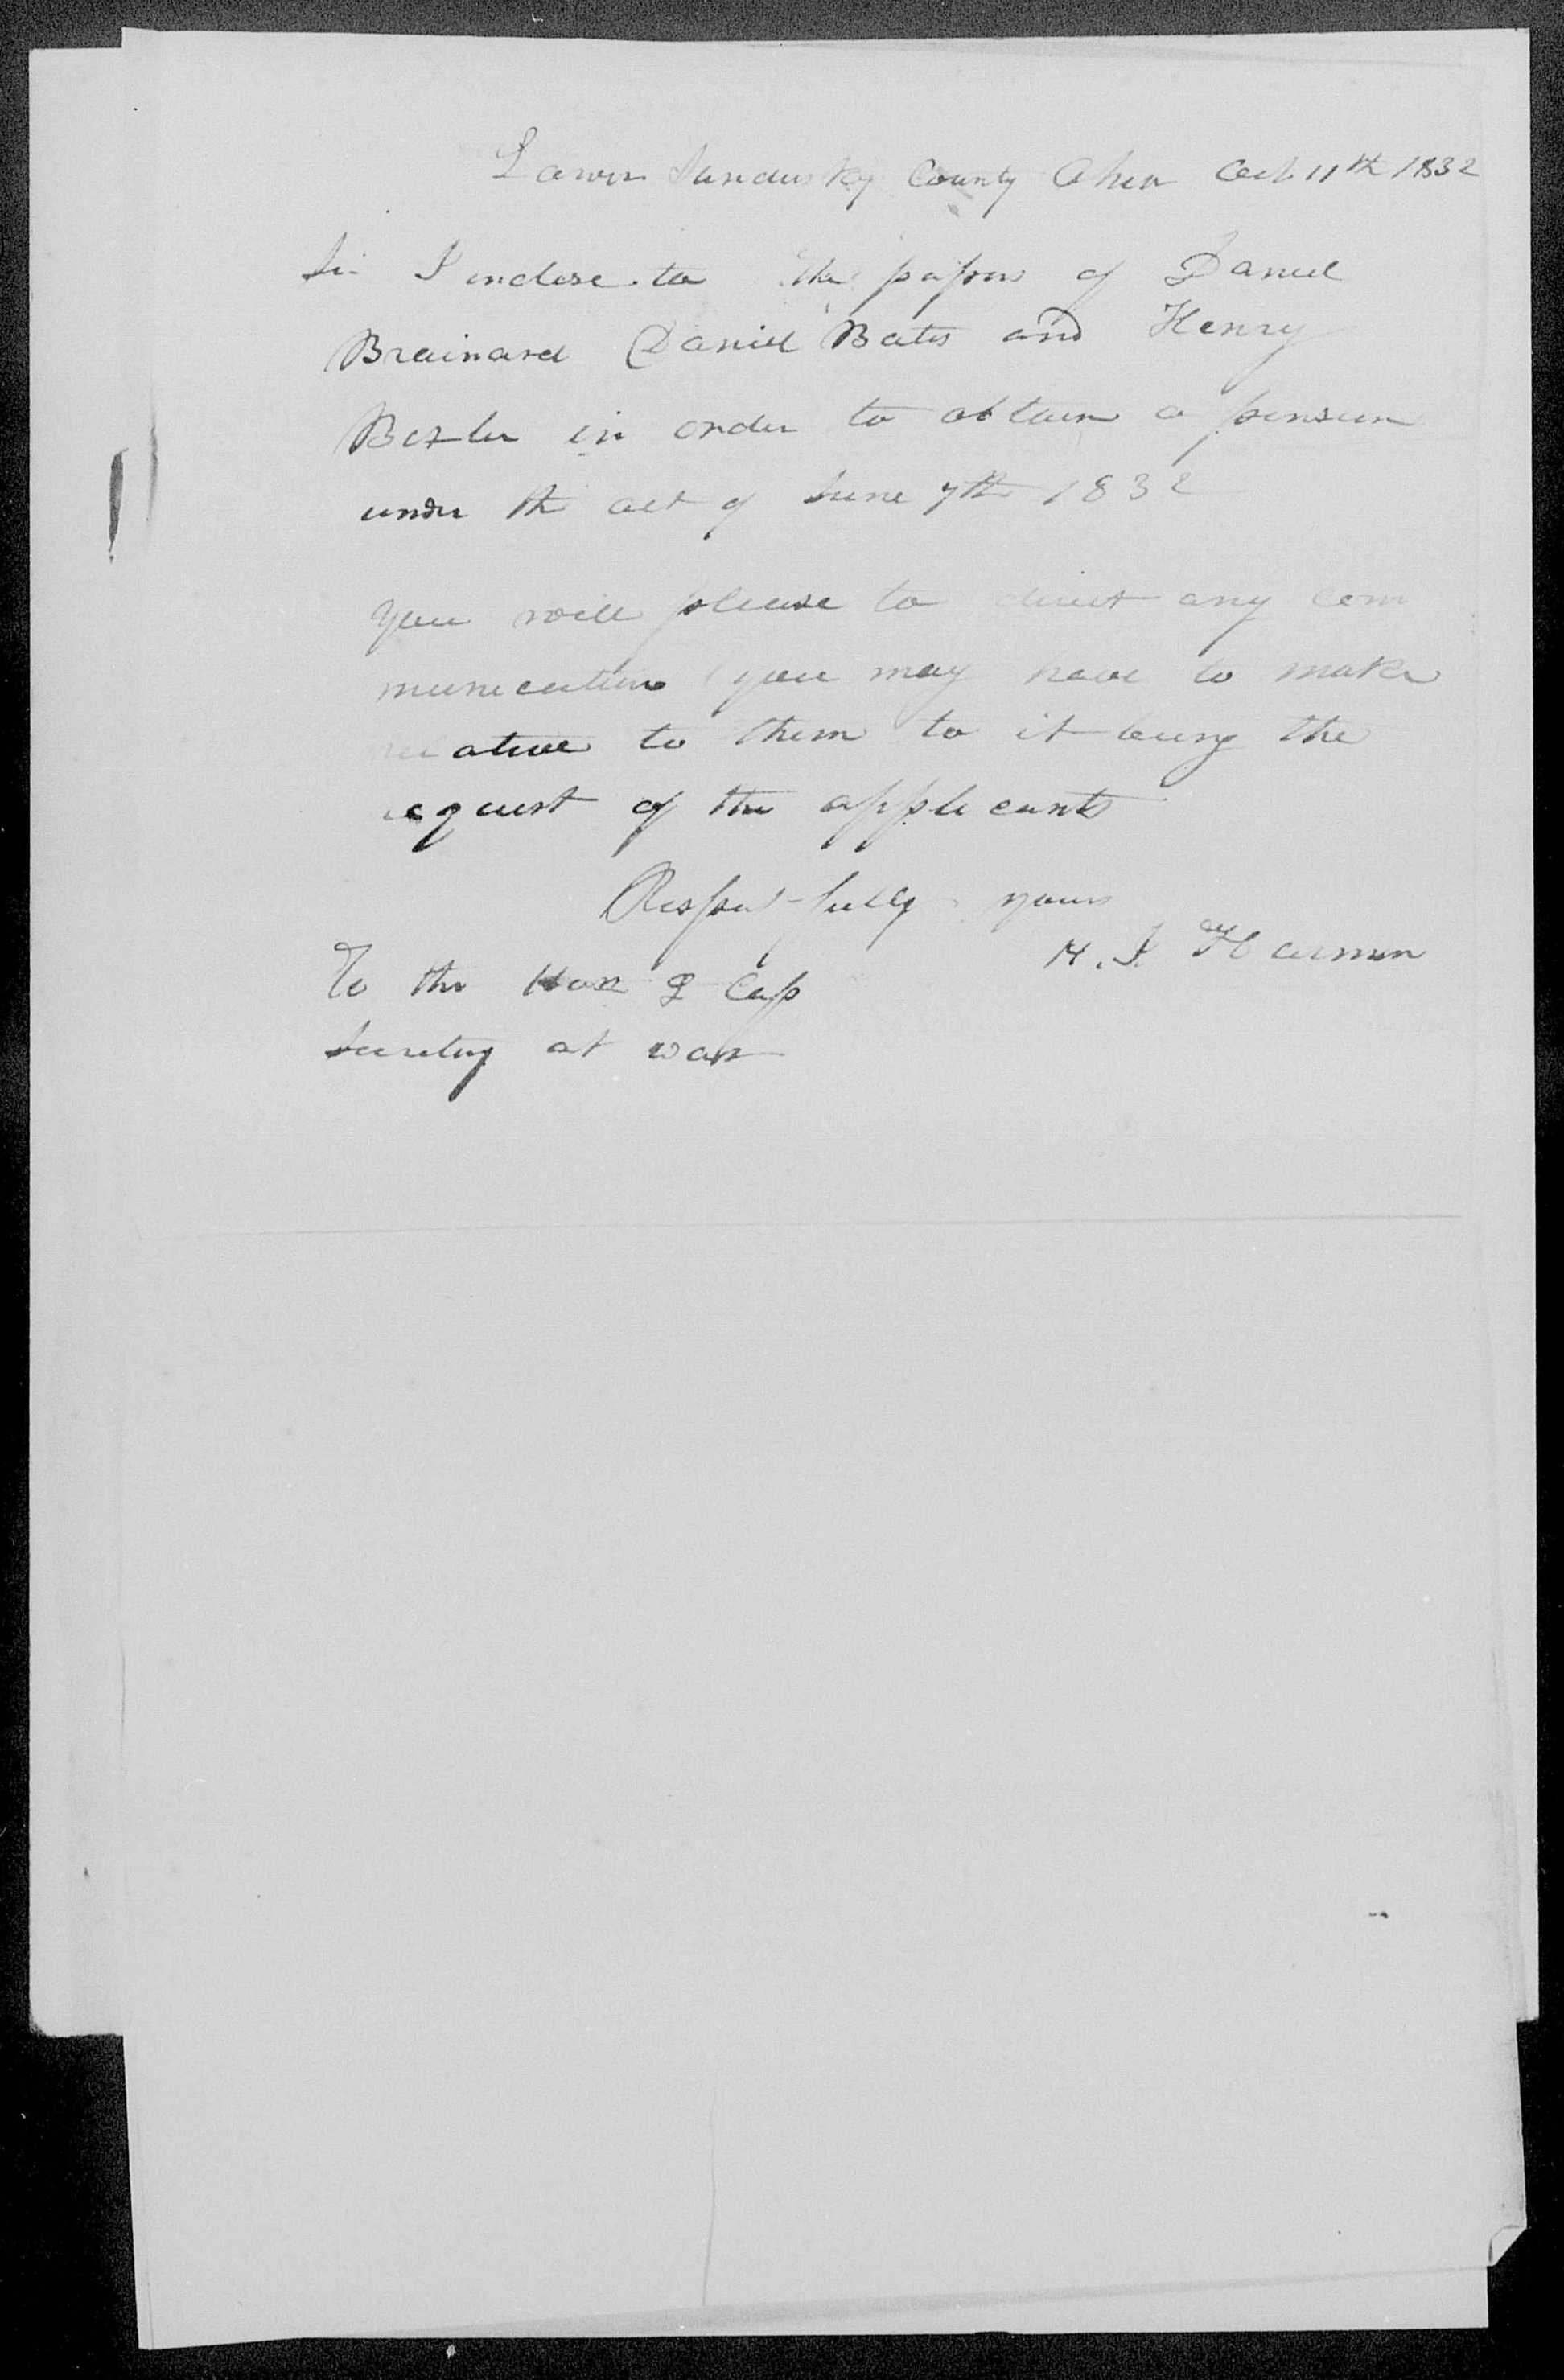Lower Sandustry County Ohio Oct 11th 1832
Sir - I enclose the papers of Daniel Brainard Daniel Bates and Henry Berlin in order to obtain a pension under the act of June 7th 1832
You will please to direct any communications you may have to [illegible] to them to it being the request of the applicants.
Respectfully yours
H. J. Harmon
To the Hon. L Cass
Secretary of War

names: H J Harmen, Daniel Brainard, Henry Baxter, Daniel Bates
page: 20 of 30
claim: survivor's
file: S. 3099, Daniel Brainard, Conn. Privateer